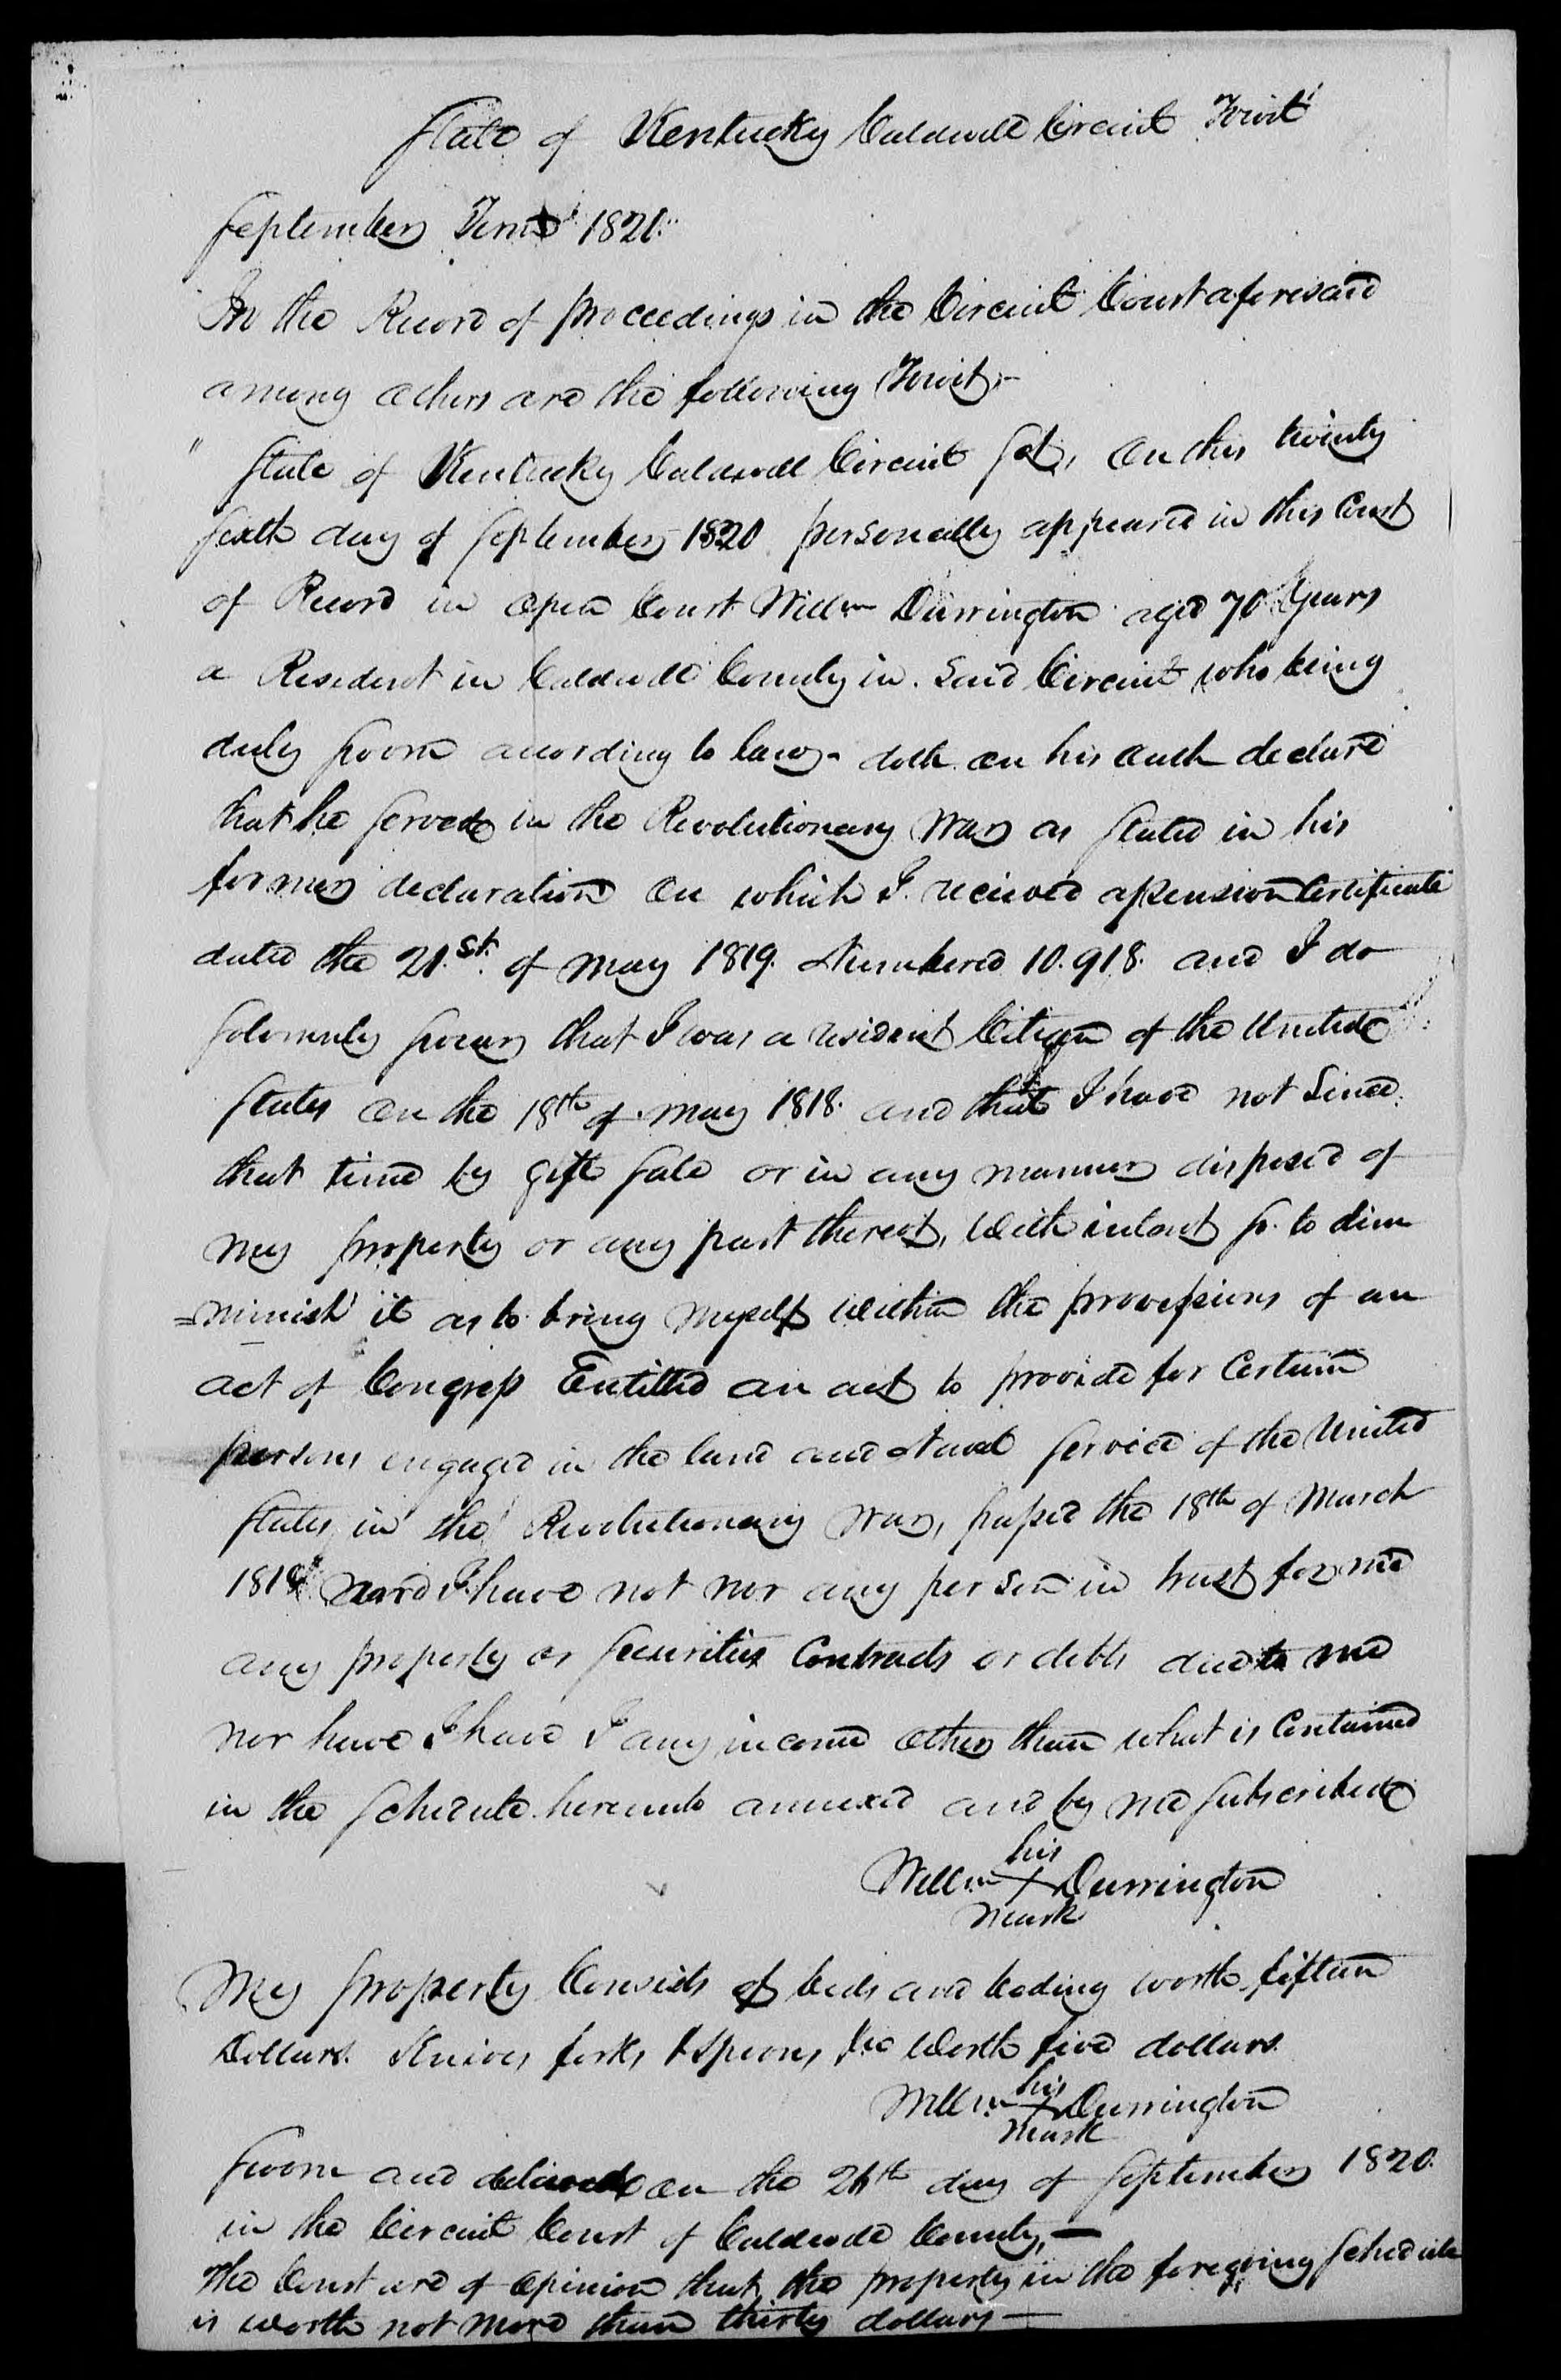State of Kentucky Caldwell Circuit Court 
September Term 1820
In the Record of proceedings in the Circuit Court aforesaid among others and the following towit:
State of Kentucky Caldwell Circuit sat On this twenty sixth day of September 1820 personally appeared in this Court of Record in Open Court William Durrington aged 70 years a Resident in Caldwell County in said Circuit who being duly sworn according to law, doth on his oath declared that he served in the Revolutionary war as stated in his former declaration on which I received a pension certificate dated the 21st of May 1819 Numbered 10.918 and I do solemnly swear that I was a resident Citizen of the United States on the 18th of May 1818 and that I have not since that time by gift sale or in any manner disposed of my property or any part thereof, with intent so to dimminish [diminish] it as to bring myself within the provisions of an act of Congress Entitled an act to provide for Certain persons engaged in the land and Naval service of the United States in the Revolutionary War, passed the 18th of March 1818 nor I have not nor any person in trust for me any property or securities contracts or debts due to me nor have I have I any income other than what is contained in the schedule hereunto annexed and by me subscribed 
William Durrington  his Mark [handwritten] X
My property consists of beds and beding [bedding] worth fifteen Dollars Knive, fork, & spoon, [illegible]worth five dollars Wllm Durrington his mark [handwritten] X
Sworn and delivered on the 26th day of September 1820 in the Circuit Court of Caldwell County. The Court are of opinion that the property in the foregoing schedule is worth not more than thirty dollars.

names: Willm Durrington, Willm Durrington, Willm Durrington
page: 41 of 51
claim: widow's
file: W. 27,409, William Dunnington, Md.